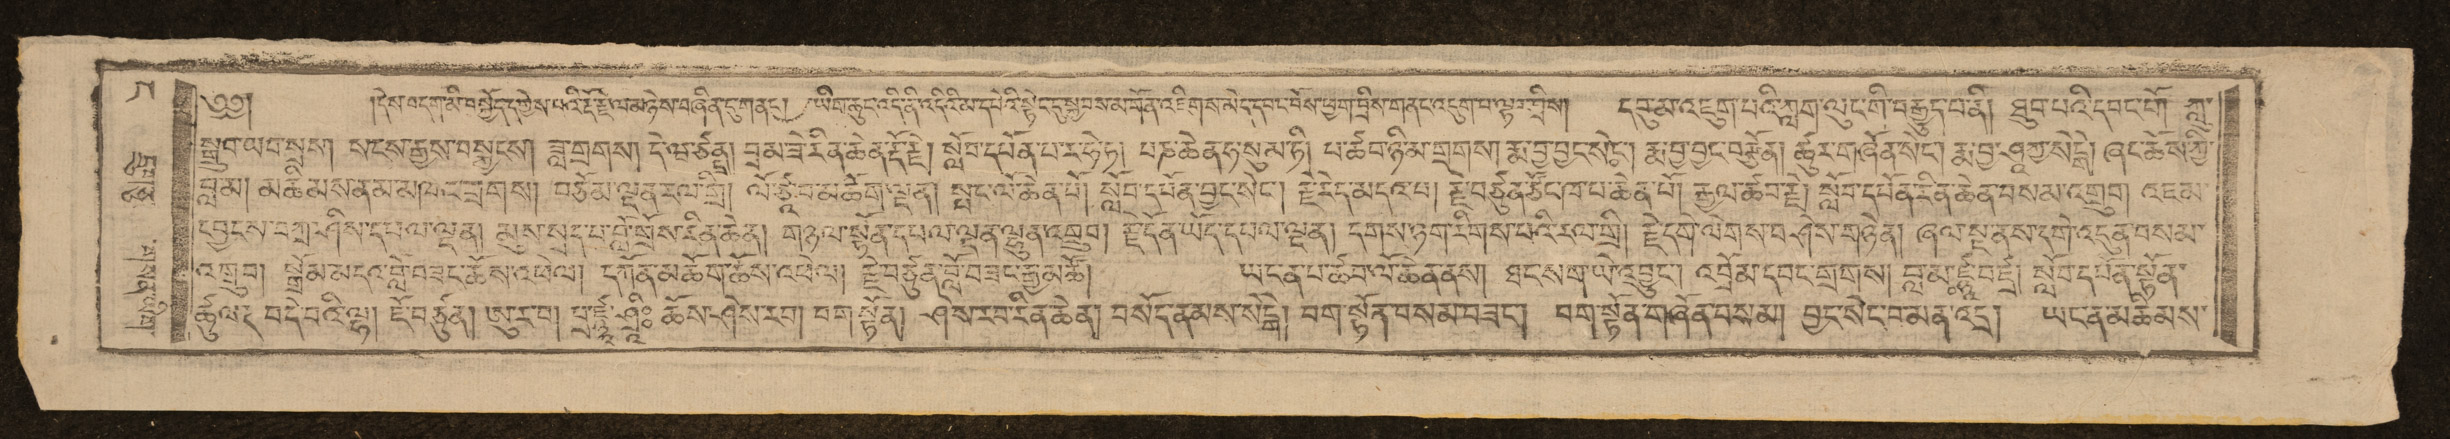༄༅། །དེས་བདག་མི་བསྐྱོད་དགྱེས་པའི་རྡོ་རྗེ་ལ་མཉེས་བཞིན་དུ་གནང་། ཡིག་ཆུང་འདི་ནི་འདིའི་མ་དཔེའི་སྟེང་དུ་སྐྱབས་མགོན་འཇིགས་མེད་དབང་བོས་ཕྱག་བྲིས་གནང་འདུག་པ་ལྟར་བྲིས། དབུམ་འཇུབ་པའི་ཀླག་ལུང་གི་བརྒྱུད་པ་ནི། ཐུབ་པའི་དབང་པོ། ཀླུ་
སྒྲུབ་ཡབ་སྲས། སངས་རྒྱས་བསྐྱངས། ཟླ་གྲགས། དེ་ཝ་ཙནྡྲ། བྲམ་ཟེ་རིན་ཆེན་རྡོ་རྗེ། སློབ་དཔོན་པ་ར་ཧེ་ཏ། པཎ་ཆེན་ཧ་སུམ་ཏི། པ་ཚ་བ་ཉི་མ་གྲགས། རྨ་བྱ་བྱང་སེངཾ། རྨ་བྱ་བྱང་བརྩོན། ཚུར་གཞོན་སེང་། རྨ་བྱ་ཤཱཀྱ་སེངྒེ། ཞང་ཆོས་ཀྱི་
བླ་མ། མཆིམས་ནམ་མཁའ་གྲགས། བཅོམ་ལྡན་རལ་གྲི། ལོ་ཙཱ་བ་མཆོག་ལྡན། སྤང་ལོ་ཆེན་པོ། སློབ་དཔོན་བྱང་སེང་། རྗེ་རེད་མདའ་པ། རྗེ་བཙུན་ཙོང་ཁ་པ་ཆེན་པོ། རྒྱལ་ཚབ་རྗེ། སློབ་དཔོན་རིན་ཆེན་བསམ་འགྲུབ། འཇམ་
དབྱངས་བཀྲ་ཤིས་དཔལ་ལྡན། མུས་སྲད་པ་བློ་གྲོས་རིན་ཆེན། གཉལ་སྟོན་དཔལ་ལྡན་ལྷུན་འགྲུབ། རྗེ་དོན་ཡོད་དཔལ་ལྡན། དགས་ཉག་རིགས་པའི་རལ་གྲིབ། རྗེ་དགེ་ལེགས་བཤེས་གཉེན། ཞལ་སྔ་ནས་དགེ་འདུན་བསམ་
འགྲུབ། སྒྲོམ་མདའ་བློ་བཟང་ཆོས་འཕེལ། དཀོན་མཆོག་ཆོས་འཕེལ། རྗེ་བཙུན་བློ་བཟང་རྒྱ་མཚོ། ཡང་ན་པ་ཚབ་ལོ་ཆེན་ནས། ཐང་སག་ཡེ་འབྱུང་། འབྲོམ་དབང་གྲགས། བླ་མ་ཛྙཱ་བཛྲ། སློབ་དཔོན་སྟོན་
ཚུལ༑ བདེ་བའི་ལྷ། ཇོ་བཙུན། ཨུ་ར་བ། པྲ་ཛྙའ་ཤྲཱིཿ ཆོས་ཤེས་རབ། བག་སྟོན། ཤེས་རབ་རིན་ཆེན། བསོད་ནམས་སེངྒེ། བག་སྟོན་བསམ་བཟང་། བག་སྟོན་གཞོན་བསམ། བྱང་སེང་བ་མན་འདྲ། ཡང་ན་མཆིམས་